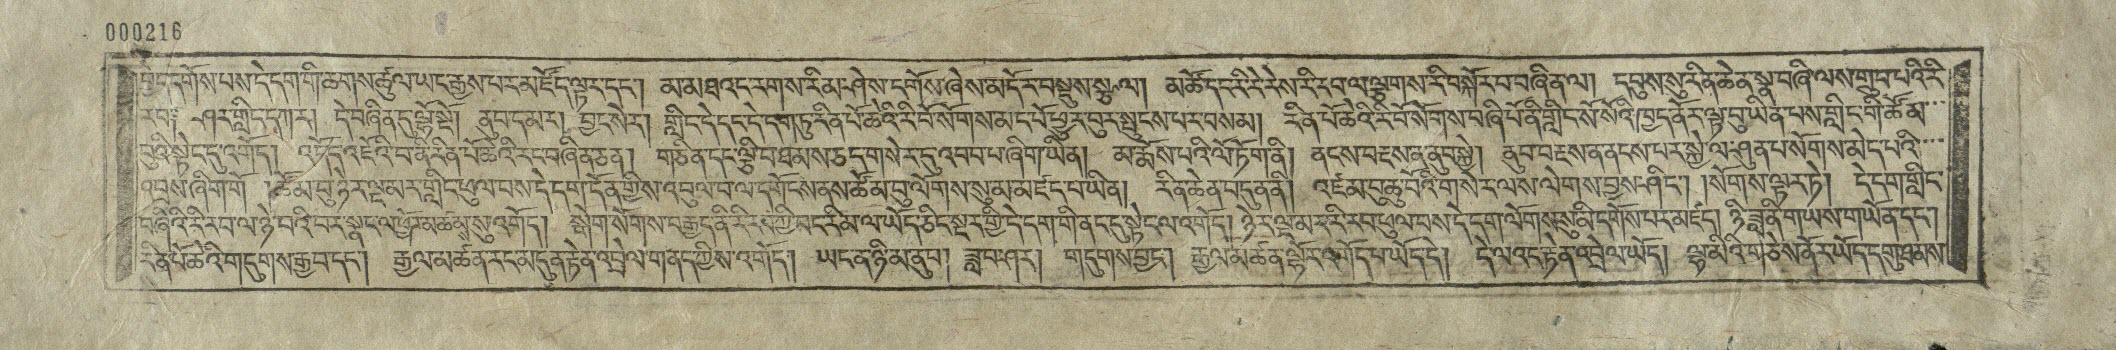བྱེད་དགོས་པས་དེ་དག་གི་ཆགས་ཚུལ་ཡང་རྒྱས་པར་མཛོད་ལྟར་དང་། མ་མཐའང་རགས་རིམ་ཤེས་དགོས་ཞེས་མདོར་བསྡུས་སྩལ། མཚོ་དང་རི་རེ་རེས་རི་རབ་ལ་ལྕགས་རི་བསྐོར་བ་བཞིན་ལ། དབུས་སུ་རིན་ཆེན་སྣ་བཞི་ལས་གྲུབ་པའི་རི་
རབ༑ ཤར་གླིང་དཀར། དེ་བཞིན་དུ་ལྷོ་སྔོ། ནུབ་དམར། བྱང་སེར། གླིང་དེ་དང་དེ་དག་ཏུ་རིན་པོ་ཆེའི་རི་བོ་སོགས་མང་པོ་ཕྱུར་བུར་སྤུངས་པར་བསམ། རིན་པོ་ཆེའི་རི་བོ་སོགས་བཞི་པོ་ནི་གླིང་སོ་སོའི་ཁྱད་ནོར་ལྟ་བུ་ཡིན་པས་གླིང་གི་ཚོམ་
བུའི་སྟེང་དུ་འགོད། འདོད་འཇོའི་བ་ནི་རིན་པོ་ཆེའི་རང་བཞིན་ཅན། གཅིན་དང་ལྕི་བ་ཐམས་ཅད་གསེར་དུ་འབབ་པ་ཞིག་ཡིན། མ་རྨོས་པའི་ལོ་ཏོག་ནི། ནངས་བརྔས་ན་ནུབ་སྐྱེ། ནུབ་བརྔས་ཎཱ་ནངས་པར་སྐྱེ་ལ་ཤུན་པ་སོགས་མེད་པའི་
འབྲས་ཞིག་གོ །ཚོམ་བུ་ཉེར་ལྔ་མར་གླིང་ཕུལ་བས་དེ་དག་དོན་གྱིས་འབུལ་བ་ལ་དགོངས་ནས་ཚོམ་བུ་ལོགས་སུ་མ་མཛད་པ་ཡིན། རིན་ཆེན་བདུན་ནི། འཛམ་བུ་ཆུ་བོའི་གསེར་ལས་ལེགས་བྱས་ཤིང་། །སོགས་ལྟར་ཏེ། དེ་དག་གླིང་
བཞིའི་རི་རབ་ལ་ཉེ་བའི་བར་སྣང་ལ་ཕྱོགས་མཚམས་སུ་འགོད། སྒེག་སོགས་བརྒྱད་ནི་རི་རབ་ཀྱི་བང་རིམ་ལ་ཡོད་ཅིང་སྔར་གྱི་དེ་དག་གི་ནང་དུ་སྟེང་ལ་འགོད། ཉེར་ལྔ་མར་རི་རབ་ཕུལ་བས་དེ་དག་ལོགས་སུ་མི་དགོས་པར་མཛད། ཉི་ཟླ་ནི་གཡས་གཡོན་དང་།
རིན་པོ་ཆེའི་གདུགས་རྒྱབ་དང་། རྒྱལ་མཚན་རང་མདུན་རྟེན་འབྲེལ་གནད་ཀྱིས་འགོད། ཡང་ན་ཉི་མ་ནུབ། ཟླ་བ་ཤར། གདུགས་བྱང་། རྒྱལ་མཚན་ལྷོར་འགོད་པ་ཡོད་དེ། དེ་ལའང་རྟེན་འབྲེལ་ཡོད། ལྷ་མིའི་གཅེས་ནོར་ཡོད་དགུ་ཐམས་